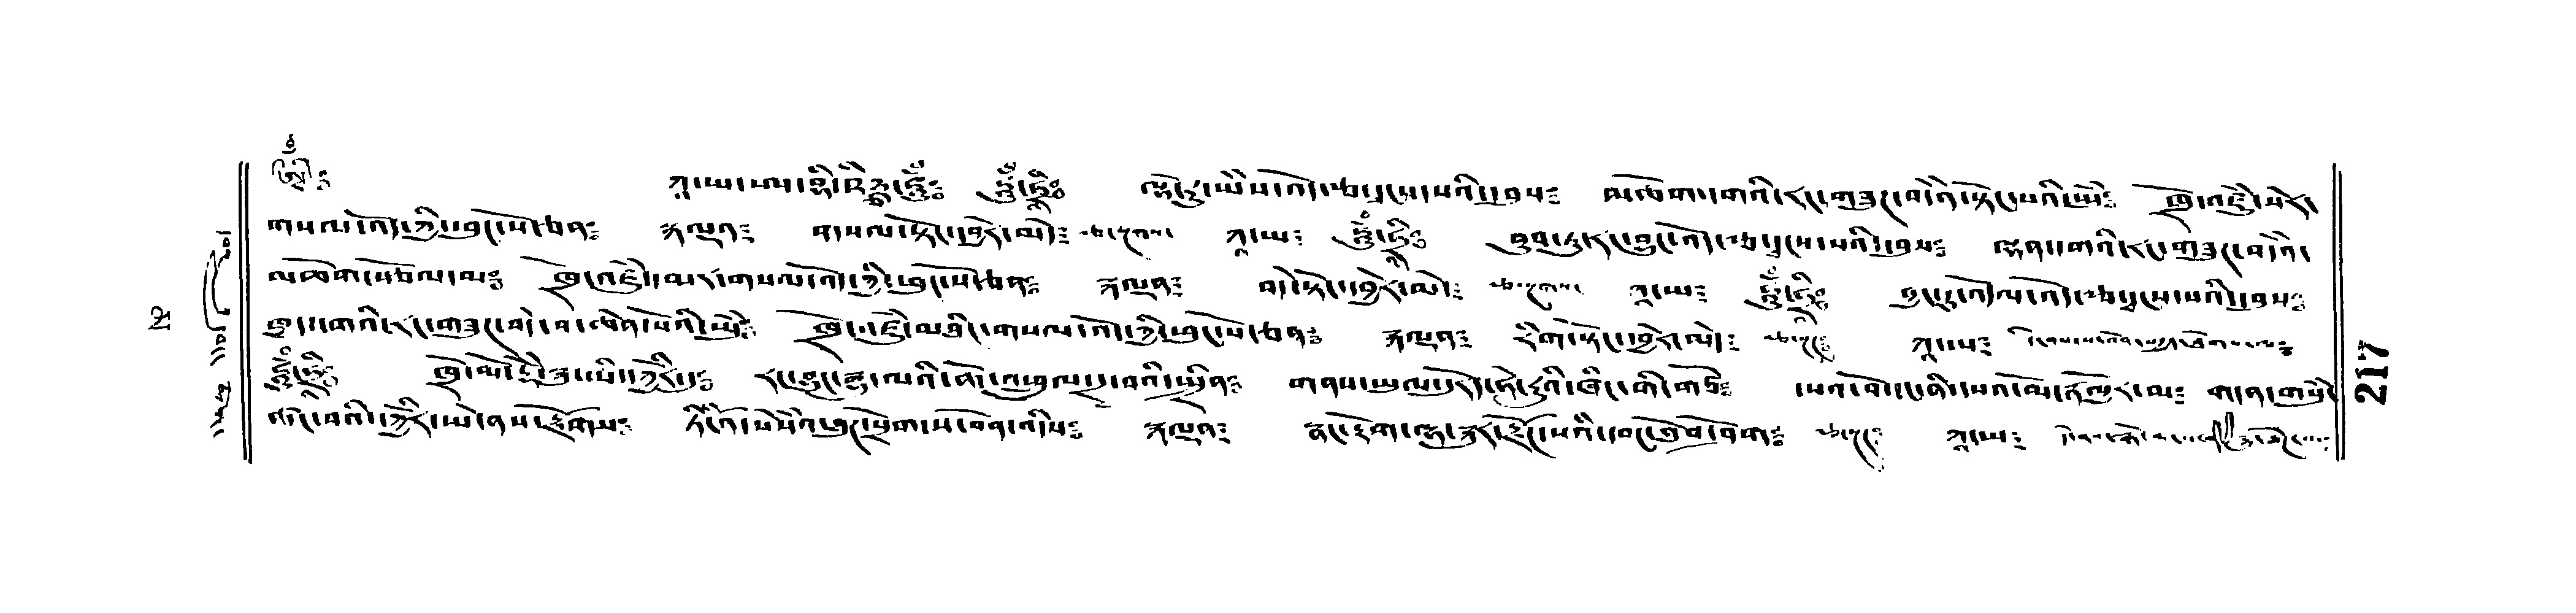ཀཱ་ཡ་ཨ་བྷི་རིཉྩ་ཧཱུྃ༔ ཧཱུྃ་ཧྲཱིཿ ལྷོ་རུ་ཡེ་ཤེས་འོད་རྩ་དྭངས་པའི་དབུས༔ མཆོག་དགའི་རང་གཟུགས་བདེ་ཆེན་སྟོང་པའི་ཡུམ༔ ཁྲོ་འཛུམ་སེར་
གསལ་འོད་ཀྱི་ཕུང་པོ་ཅན༔ སྐལ་ལྡན༴ གསལ་སྟོང་དབྱེར་མེད༴ རྩ་སྔགས༔ ཀཱ་ཡ༴ ཧཱུྃ་ཧྲཱིཿ ནུབ་ཏུ་རང་བྱུང་འོད་རྩ་དྭངས་པའི་དབུས༔ ལྷན་དགའི་རང་གཟུགས་བདེ་ཆེན་
མཆོག་སྩོལ་མ༔ ཁྲོ་འཛུམ་དམར་གསལ་འོད་ཀྱི་ཕུང་པོ་ཅན༔ སྐལ་ལྡན༴ བདེ་སྟོང་དབྱེར་མེད༴ རྩ་སྔགས༔ ཀཱ་ཡ༴ ཧཱུྃ་ཧྲཱིཿ བྱང་དུ་འོད་གསལ་འོད་རྩ་དྭངས་པའི་དབུས༔ 
ཁྱད་དགའི་རང་གཟུགས་བདེ་བ་ཆེན་པོའི་ཡུམ༔ ཁྲོ་འཛུམ་མཐིང་གསལ་འོད་ཀྱི་ཕུང་པོ་ཅན༔ སྐལ་ལྡན༴ རིག་སྟོང་དབྱེར་མེད༴ རྩ་སྔགས༔ ཀཱ་ཡ༴ དེ་ནས་ས་བོན་བརྒྱད་ཐོགས་ལ༔ 
ཧཱུྃ་ཧྲཱིཿ ཁྲོ་མོ་རྡོ་རྗེ་སྐུ་ཡི་དཀྱིལ་འཁོར་དུ༔ རང་བྱུང་སྒྱུ་མའི་ཆོ་འཕྲུལ་དྲྭ་བའི་སྤྲིན༔ གནས་ཡུལ་དུར་ཁྲོད་ཧེ་རུའི་ཞིང་གཙོ༔ དཔའ་བོ་དང་ནི་དཔའ་མོ་རྣལ་འབྱོར་མ༔ གདན་གསུམ་
ཚང་བའི་དཀྱིལ་འཁོར་ཡེ་ནས་རྫོགས༔ ཏིང་འཛིན་སེམས་དཔའ་ཐུགས་སྲོག་ས་བོན་འདིས༔ སྐལ་ལྡན༴ སྣང་རྟོག་ལྷ་སྐུར་རྫོགས་པའི་དབང་ཐོབ་ཤོག༔རྩ་སྔགས༔ ཀཱ་ཡ༴ དེ་ནས་སྒོ་མ་བཞིའི་སྐུ་ཐོགས་ལ༔